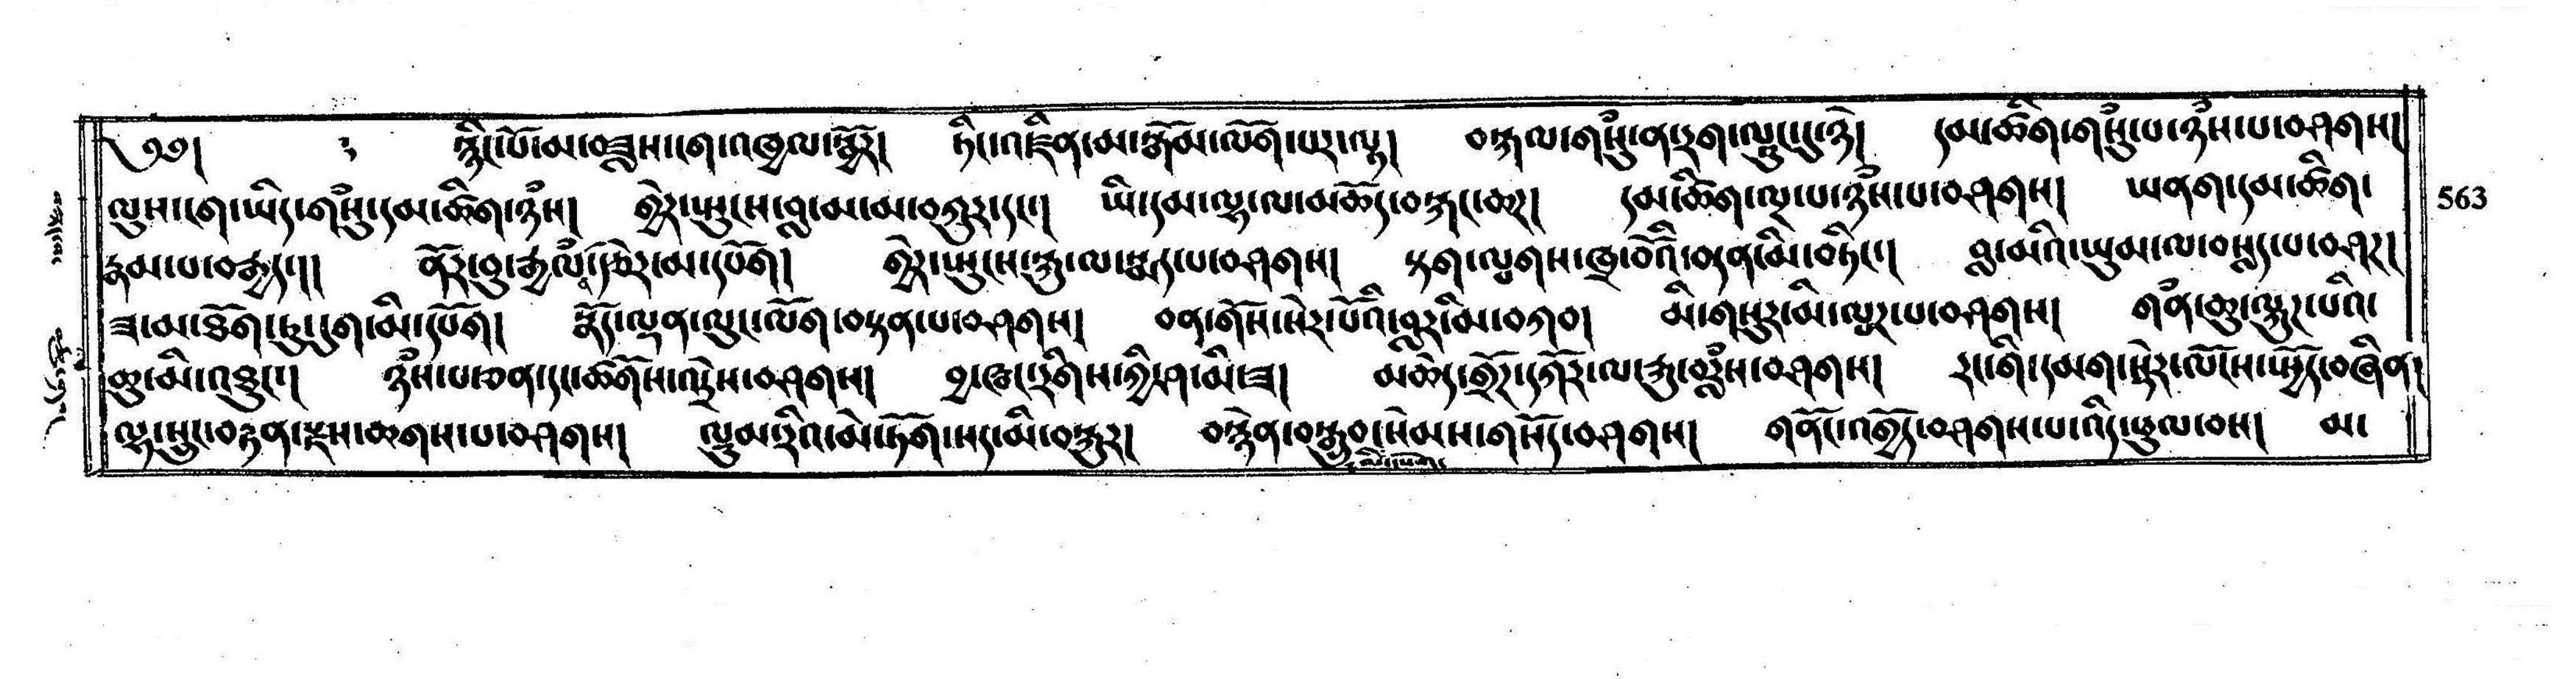སྙིང་པོ་མ་བཟླས་ངག་འཁྱལ་སྦྱོར། ཏིང་འཛིན་མ་སྒོམ་ལོག་པར་ལྟ། བསྐལ་གསུམ་ན་རག་ལྟུང་དུ་ཉེ། དམ་ཚིག་གསུམ་པ་ཉམས་པ་བཤགས། 
ལུས་ངག་ཡིད་གསུམ་དམ་ཚིག་ཉམས། གྱེར་སྤུངས་བླ་མ་མ་བཀུར་དང་། ཡི་དམ་ལྷ་ལ་མཆོད་བསྐང་ཆགས། དམ་ཚིག་ལྔ་པ་ཉམས་པ་བཤགས། ཡན་ལག་དམ་ཚིག་
རྣམ་པ་བརྒྱད།། ནོར་བུ་རྒྱལ་མཚན་རྩེར་མ་དཔོག གྱེར་སྤུངས་སྐུ་ལ་སྨད་པ་བཤགས། སྟག་ལྤགས་ཁྲ་བོའི་གདན་མི་བཏིང་། བླ་མའི་ཡུམ་ལ་བསླད་པ་བཤགས། 
ཟ་མ་ཐོག་ཏུ་དུག་མི་དཔོག སྣོད་ལྡན་ལུང་ལོག་བསྟན་པ་བཤགས། བན་གོས་སེར་པོའི་བླར་མི་བཀབ། མི་གསུར་མི་ལྤགས་༼གོན༽པ་བཤགས། གནམ་ཆུ་ལྐུགས་པའི་
ཆུ་མི་འཐུང་། ཉམས་པ་ཅན་དང་ཚོགས་འདྲེས་བཤགས། བྱ་ཝང་རིགས་ཀྱི་ཤ་མི་ཟ། མཆེད་གྲོགས་དཀོར་ལ་རྐུ་བརླམས་བཤགས། རང་གི་དམག་སྡེར་ལོངས་སྤྱོད་བཞིན། 
ལྷ་སྲུང་རྟེན་རྫས་ཆག་པ་བཤགས། ལྡུམ་རའི་མེ་ཏོག་སད་མི་བསྐུར། བསྙེན་བསྒྲུབ་མི་དཔོག་སེམས་གསོད་བཤགས། གནོང་འགྱོད་བཤགས་པ་འདི་ཕུལ་བས། མ་